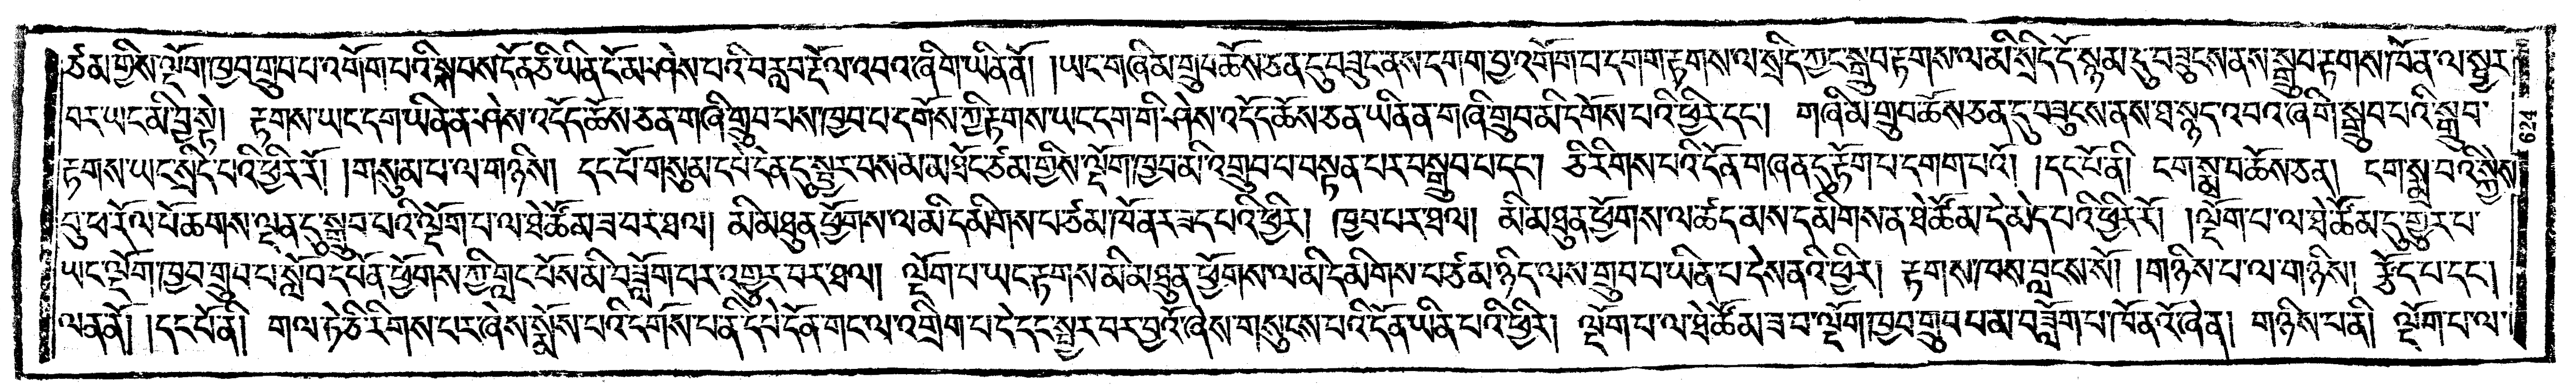ཙམ་གྱིས་ལྡོག་ཁྱབ་གྲུབ་པ་འགོག་པའི་སྐབས་དོན་ཅི་ཡིན་ངོ་མ་ཤེས་པའི་བརླབ་རྡོལ་འབའ་ཞིག་ཡིན་ནོ། །ཡང་གཞི་མ་གྲུབ་ཆོས་ཅན་དུ་བཟུང་ནས་དགག་བྱ་འགོག་པ་དགག་རྟགས་ལ་སྲིད་ཀྱང་སྒྲུབ་རྟགས་ལ་མི་སྲིད་དོ་སྙམ་དུ་བཟུངས་ནས་སྒྲུབ་རྟགས་ཁོ་ན་ལ་སྦྱར་
བར་ཡང་མི་བྱ་སྟེ། རྟགས་ཡང་དག་ཡིན་ན་ཤེས་འདོད་ཆོས་ཅན་གཞི་གྲུབ་པས་ཁྱབ་པ་དགོས་ཀྱི་རྟགས་ཡང་དག་གི་ཤེས་འདོད་ཆོས་ཅན་ཡིན་ན་གཞི་གྲུབ་མི་དགོས་པའི་ཕྱིར་དང་། གཞི་མ་གྲུབ་ཆོས་ཅན་དུ་བཟུངས་ནས་ཐ་སྙད་འབའ་ཞིག་སྒྲུབ་པའི་སྒྲུབ་
རྟགས་ཡང་སྲིད་པའི་ཕྱིར་རོ། །གསུམ་པ་ལ་གཉིས། དང་པོ་གསུམ་དཔེ་དོན་དུ་སྦྱར་བས་མ་མཐོང་ཙམ་གྱིས་ལྡོག་ཁྱབ་མི་འགྲུབ་པ་བསྟན་པར་བསྒྲུབ་པ་དང་། ཅི་རིགས་པའི་དོན་གཞན་དུ་རྟོག་པ་དགག་པའོ། །དང་པོ་ནི། ངག་སྨྲ་བ་ཆོས་ཅན། ངག་སྨྲ་བའི་སྐྱེས་
བུ་ཕ་རོལ་པོ་ཆགས་ལྡན་དུ་སྒྲུབ་པའི་ལྡོག་པ་ལ་ཐེ་ཚོམ་ཟ་བར་ཐལ། མི་མཐུན་ཕྱོགས་ལ་མི་དམིགས་པ་ཙམ་ཁོ་ནར་ཟད་པའི་ཕྱིར། ཁྱབ་པར་ཐལ། མི་མཐུན་ཕྱོགས་ལ་ཚད་མས་དམིགས་ན་ཐེ་ཚོམ་དེ་མེད་པའི་ཕྱིར་རོ། །ལྡོག་པ་ལ་ཐེ་ཚོམ་དུ་གྱུར་པ་
ཡང་ལྡོག་ཁྱབ་གྲུབ་པ་སློབ་དཔོན་ཕྱོགས་ཀྱི་གླང་པོས་མི་བཟློག་པར་འགྱུར་བར་ཐལ། ལྡོག་པ་ཡང་རྟགས་མི་མཐུན་ཕྱོགས་ལ་མི་དམིགས་པ་ཙམ་ཉིད་ལས་གྲུབ་པ་ཡིན་པ་དེས་ནའི་ཕྱིར། རྟགས་ཁས་བླངས་སོ། །གཉིས་པ་ལ་གཉིས། རྩོད་པ་དང་།
ལན་ནོ། །དང་པོ་ནི། གལ་ཏེ་ཅི་རིགས་པར་ཞེས་སྨོས་པའི་དགོས་པ་ནི་དཔེ་དོན་གང་ལ་འགྲིག་པ་དེ་དང་སྦྱར་བར་བྱའོ་ཞེས་གསུངས་པའི་དོན་ཡིན་པའི་ཕྱིར། ལྡོག་པ་ལ་ཐེ་ཚོམ་ཟ་བ་ལྡོག་ཁྱབ་གྲུབ་པ་མ་བཟློག་པ་ཁོ་ནའོ་ཞེ་ན། གཉིས་པ་ནི། ལྡོག་པ་ལ་